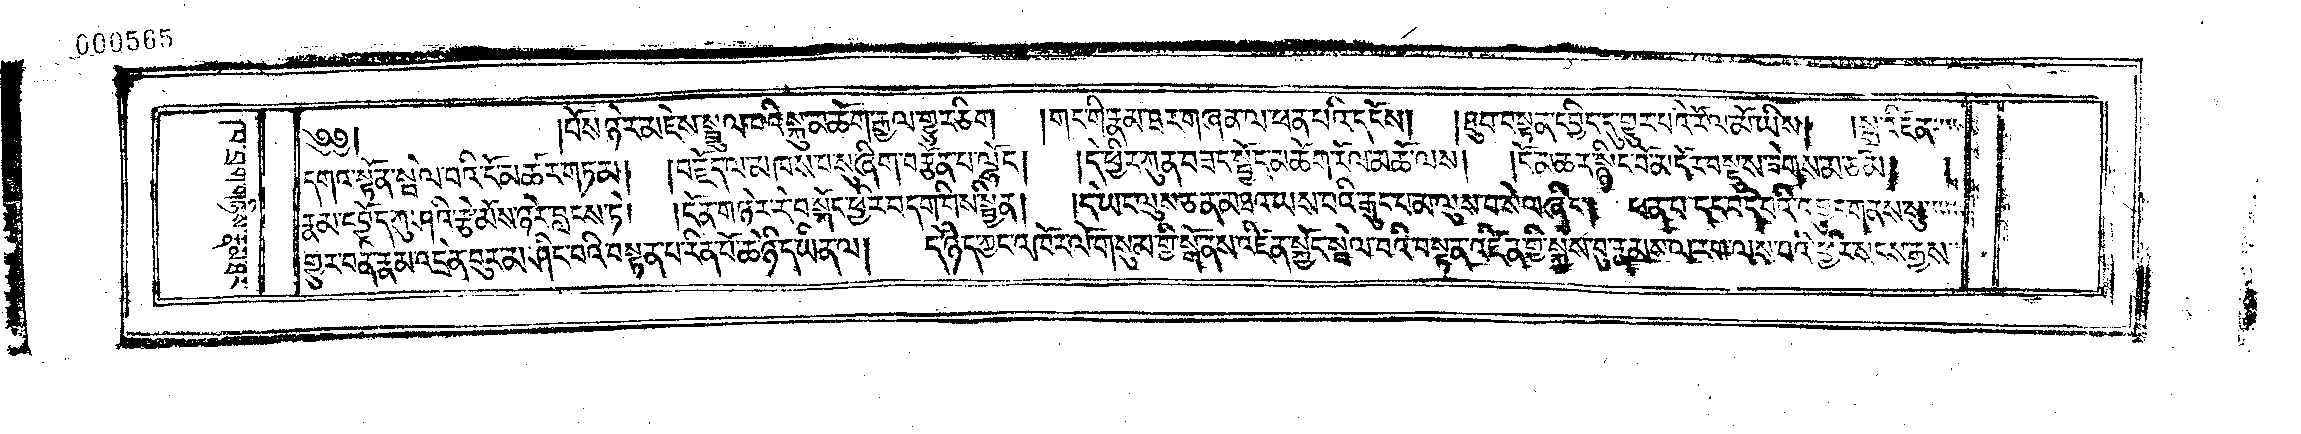༄༅། །བོས་ཉེར་མཇེས་སྤྲུལ་བའི་སྐུ་མཆོག་རྒྱལ་གྱུར་ཅིག །གང་གི་རྣམ་ཐར་གཞན་ལ་ཕན་པའི་དངོས། །ཐུབ་བསྟན་དཔྱིད་དུ་གྱུར་པའི་རོལ་མོ་ཡིས། །སྒྲ་འཛིན་
དགའ་སྟོན་སྤེལ་བའི་ངོ་མཚར་གཏམ། །བརྗོད་ལ་མཁས་པ་སུ་ཞིག་བརྩོན་པ་ལྷོད། །དེ་ཕྱིར་ཀུན་བཟང་སྤྱོད་མཆོག་རོལ་མཚོ་ལས། །ངོ་མཚར་སྙིང་པོ་མདོར་བསྡུས་ཟེགས་མ་ཙམ། །
རྣམ་དཔྱོད་ཀུ་ཤའི་རྩེ་མོས་ཉེར་བླངས་ཏེ། །དོན་གཉེར་རེ་བ་སྐོང་ཕྱིར་བདག་གིས་སྦྱིན། །དེ་ཡང་ལུས་ཅན་མཐའ་ཡས་པའི་རྒུད་པ་མ་ལུས་པ་སེལ་ཞིང་། ཕན་པ་དང་བདེ་བའི་འབྱུང་གནས་སུ་
གྱུར་བ་ནི་རྣམ་འདྲེན་བུ་རམ་ཤིང་པའི་བསྟན་པ་རིན་པོ་ཆེ་ཉིད་ཡིན་ལ། དེ་ཉིད་ཀྱང་འཁོར་ལོ་གསུམ་གྱི་སྒོ་ནས་འཛིན་སྐྱོང་སྤེལ་བའི་བསྟན་འཛིན་གྱི་སྐྱེས་བུ་རྣམས་ལ་རག་ལས་པའི་ཕྱིར་སངས་རྒྱས་